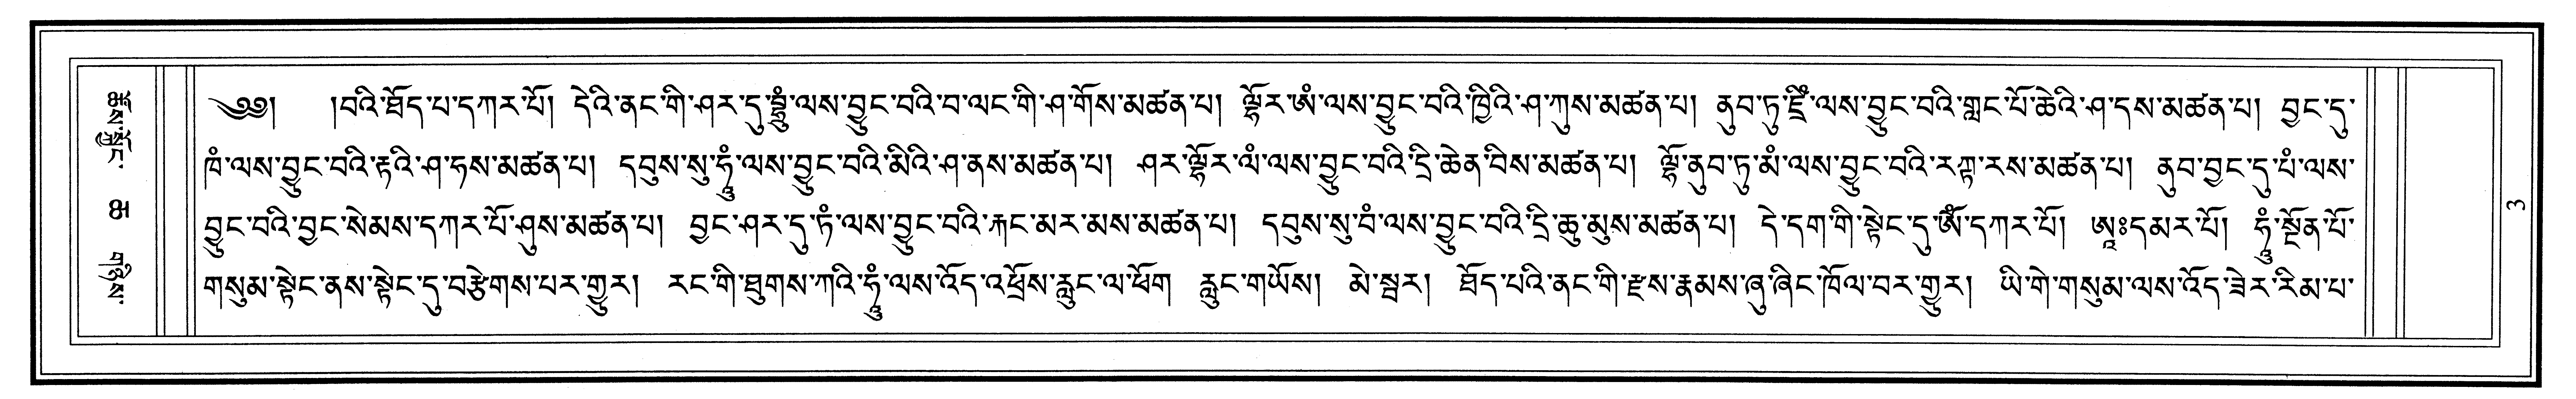༄༅། །བའི་ཐོད་པ་དཀར་པོ། དེའི་ནང་གི་ཤར་དུ་བྷྲུཾ་ལས་བྱུང་བའི་བ་ལང་གི་ཤ་གོས་མཚན་པ། ལྷོར་ཨཾ་ལས་བྱུང་བའི་ཁྱིའི་ཤ་ཀུས་མཚན་པ། ནུབ་ཏུ་ཛྲིཾ་ལས་བྱུང་བའི་གླང་པོ་ཆེའི་ཤ་དས་མཚན་པ། བྱང་དུ་
ཁཾ་ལས་བྱུང་བའི་རྟའི་ཤ་ཧས་མཚན་པ། དབུས་སུ་ཧཱུཾ་ལས་བྱུང་བའི་མིའི་ཤ་ནས་མཚན་པ། ཤར་ལྷོར་ལཾ་ལས་བྱུང་བའི་དྲི་ཆེན་བིས་མཚན་པ། ལྷོ་ནུབ་ཏུ་མཾ་ལས་བྱུང་བའི་རཀྟ་རས་མཚན་པ། ནུབ་བྱང་དུ་པཾ་ལས་
བྱུང་བའི་བྱང་སེམས་དཀར་པོ་ཤུས་མཚན་པ། བྱང་ཤར་དུ་ཏཾ་ལས་བྱུང་བའི་རྐང་མར་མས་མཚན་པ། དབུས་སུ་བཾ་ལས་བྱུང་བའི་དྲི་ཆུ་མུས་མཚན་པ། དེ་དག་གི་སྟེང་དུ་ཨོཾ་དཀར་པོ། ཨཱཿ དམར་པོ། ཧཱུཾ་སྔོན་པོ་
གསུམ་སྟེང་ནས་སྟེང་དུ་བརྩེགས་པར་གྱུར། རང་གི་ཐུགས་ཀའི་ཧཱུཾ་ལས་འོད་འཕྲོས་རླུང་ལ་ཕོག། རླུང་གཡོས། མེ་སྦར། ཐོད་པའི་ནང་གི་རྫས་རྣམས་ཞུ་ཞིང་ཁོལ་བར་གྱུར། ཡི་གེ་གསུམ་ལས་འོད་ཟེར་རིམ་པ་